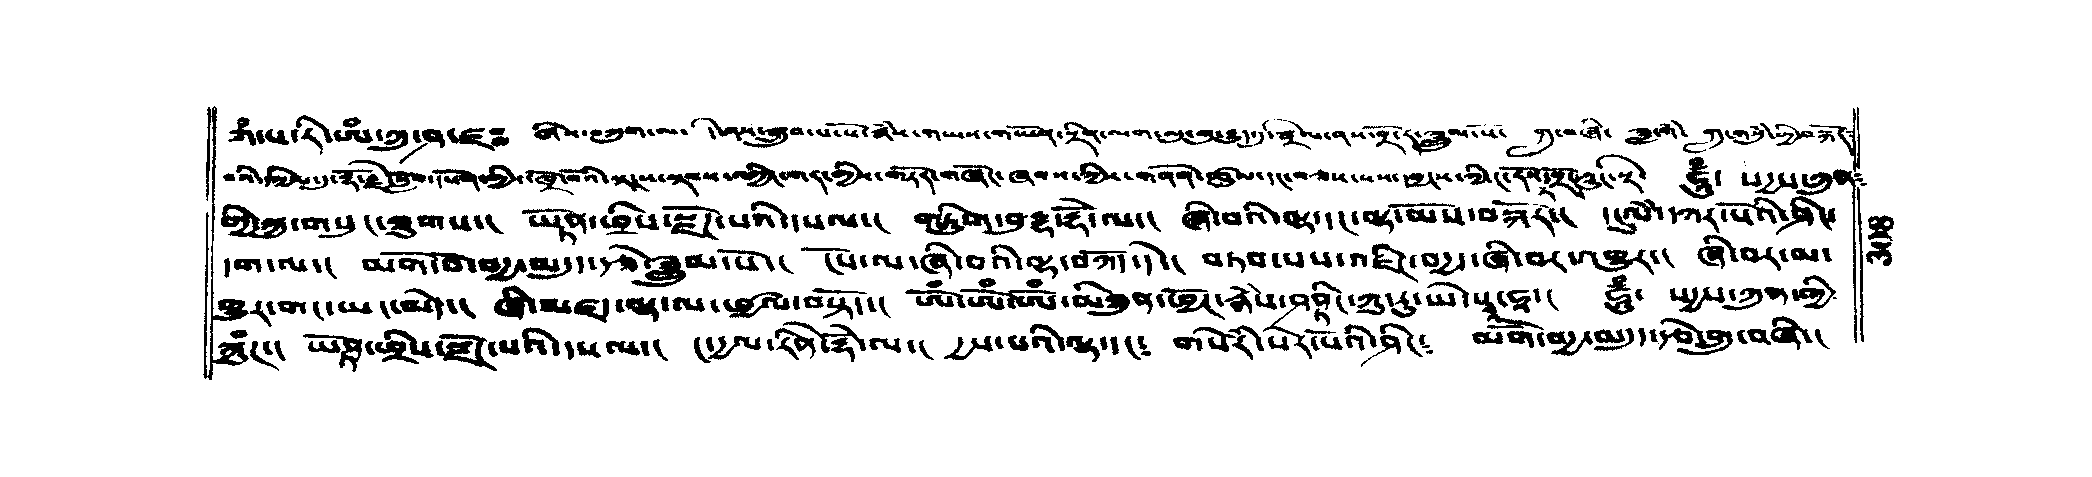ཀཾ་པ་རི་ཨཾ་ཀུ་ཤ་ཛཿ ཞེས་བཀུག་ལ། དེ་ནས་སྒྲུབ་པ་པོ་རྣམས་གཡས་གཡོན་སྲིན་ལག་ལུ་གུ་རྒྱུད་དུ་སྦྲེལ་ནས་བྲོ་ཟླུམ་པོ། གྲུ་བཞི། གྲུ་གསུམ་གྱི་བསྐོར་
བའི་དཀྱིལ་དུ་རྡོ་རྗེ་སློབ་དཔོན་གྱི་ཁྲོ་བོའི་སྟངས་སྟབས་འགྱིང་གར་གྱི་གཏོར་གཞོང་ཞབས་ཀྱིས་ཚུལ་དང་བཅས་པས་དབྱངས་ཀྱི་ང་རོས་བྲོ་བརྡུང་སྟེ། ཧཱུྃ། སངས་རྒྱས་ཀུན་
གྱི་སྐུ་གསུང་ཐུགས། །ཡོན་ཏན་ཕྲིན་ལས་རྫོགས་པའི་དཔལ། །གཏི་མུག་བུདྡྷ་རྡོ་རྗེ་ལ། །ཞི་བའི་ལྷ་དང་ལྷ་མོས་བསྐོར། །དངུལ་ལམ་དཀར་པོའི་ཤིང་
དག་ལ། །མགོ་བོ་བརྒྱ་མདུད་རྩེ་ཟླུམ་པོ། །ངོས་ལ་ཞི་བའི་ལྷ་བཀོད་དེ། །བཏབ་པས་འཇིགས་བརྒྱད་ཞི་བར་འགྱུར། །ཞི་བར་མ་
གྱུར་གང་ཡང་མེད། །ཞི་མཛད་ལྷ་ལ་ཕྱག་འཚལ་བསྟོད།། ཨོཾ་ཨོཾ་ཨོཾ་མི་མཐུན་ཕྱོགས་རྣམས་ཤནྟིང་ཀུ་རུ་ཡེ་སྭཱ་ཧཱ། ཧཱུྃ། སངས་རྒྱས་ཀུན་གྱི་
སྐུ་གསུང་ཐུགས། །ཡོན་ཏན་ཕྲིན་ལས་རྫོགས་པའི་དཔལ། །ང་རྒྱལ་རིན་ཆེན་རྡོ་རྗེ་ལ། །རྒྱས་པའི་ལྷ་དང་༴ གསེར་རམ་སེར་པོའི་ཤིང་༴ མགོ་བོ་བརྒྱ་མདུད་རྩེ་གྲུ་བཞི། །